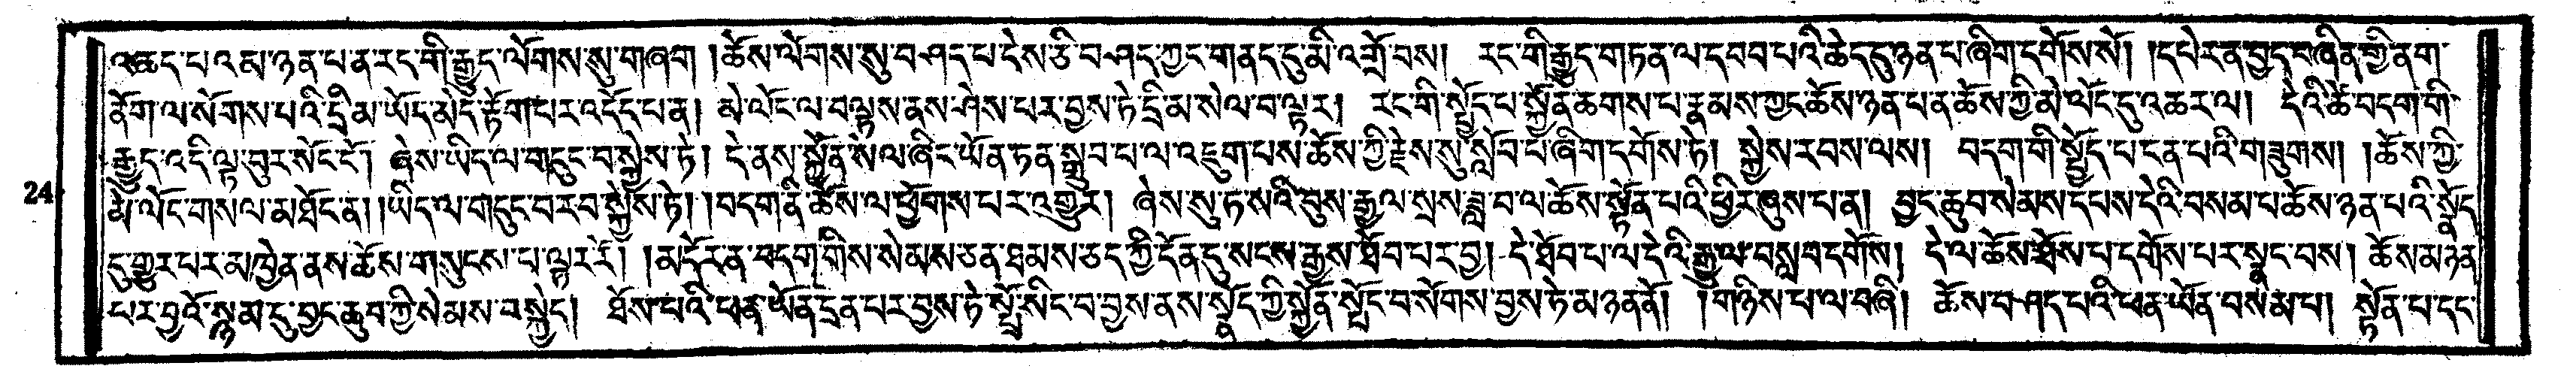འཆད་པའམ་ཉན་པ་ན་རང་གི་རྒྱུད་ལོགས་སུ་གཞག །ཆོས་ལོགས་སུ་བཤད་པ་ངེས་ཅི་བཤད་ཀྱང་གནད་དུ་མི་འགྲོ་བས། རང་གི་རྒྱུད་གཏན་ལ་དབབ་པའི་ཆེད་དུ་ཉན་པ་ཞིག་དགོས་སོ། །དཔེར་ན་བྱད་བཞིན་གྱི་ནག་
ནོག་ལ་སོགས་པའི་དྲི་མ་ཡོད་མེད་རྟོག་པར་འདོད་པ་ན། མེ་ལོང་ལ་བལྟས་ནས་ཤེས་པར་བྱས་ཏེ་དྲི་མ་སེལ་བ་ལྟར། རང་གི་སྤྱོད་པ་སྐྱོན་ཆགས་པ་རྣམས་ཀྱང་ཆོས་ཉན་པ་ན་ཆོས་ཀྱི་མེ་ལོང་དུ་འཆར་ལ། དེའི་ཚེ་བདག་གི་
རྒྱུད་འདི་ལྟ་བུར་སོང་ངོ། ཞེས་ཡིད་ལ་གདུང་བ་སྐྱེས་ཏེ། དེ་ནས་སྐྱོན་སེལ་ཞིང་ཡོན་ཏན་སྒྲུབ་པ་ལ་འཇུག་པས་ཆོས་ཀྱི་རྗེས་སུ་སློབ་པ་ཞིག་དགོས་ཏེ། སྐྱེས་རབས་ལས། བདག་གི་སྤྱོད་པ་ངན་པའི་གཟུགས། །ཆོས་ཀྱི་
མེ་ལོང་གསལ་མཐོང་ན། །ཡིད་ལ་གདུང་བ་རབ་སྐྱེས་ཏེ། །བདག་ནི་ཆོས་ལ་ཕྱོགས་པར་འགྱུར། ཞེས་སུ་ཏ་སའི་བུས་རྒྱལ་སྲས་ཟླ་བ་ལ་ཆོས་སྟོན་པའི་ཕྱིར་ཞུས་པ་ན། བྱང་ཆུབ་སེམས་དཔས་དེའི་བསམ་པ་ཆོས་ཉན་པའི་སྣོད་
དུ་གྱུར་པར་མཁྱེན་ནས་ཆོས་གསུངས་པ་ལྟར་རོ། །མདོར་ན་བདག་གིས་སེམས་ཅན་ཐམས་ཅད་ཀྱི་དོན་དུ་སངས་རྒྱས་ཐོབ་པར་བྱ། དེ་ཐོབ་པ་ལ་དེའི་རྒྱུ་ལ་བསླབ་དགོས། དེ་ལ་ཆོས་ཐོས་པ་དགོས་པར་སྣང་བས། ཆོས་མཉན་
པར་བྱའོ་སྙམ་དུ་བྱང་ཆུབ་ཀྱི་སེམས་བསྐྱེད། ཐོས་པའི་ཕན་ཡོན་དྲན་པར་བྱས་ཏེ་སྤྲོ་སིང་བ་བྱས་ནས་སྣོད་ཀྱི་སྐྱོན་སྤོང་བ་སོགས་བྱས་ཏེ་མཉན་ནོ། །གཉིས་པ་ལ་བཞི། ཆོས་བཤད་པའི་ཕན་ཡོན་བསམ་པ། སྟོན་པ་དང་